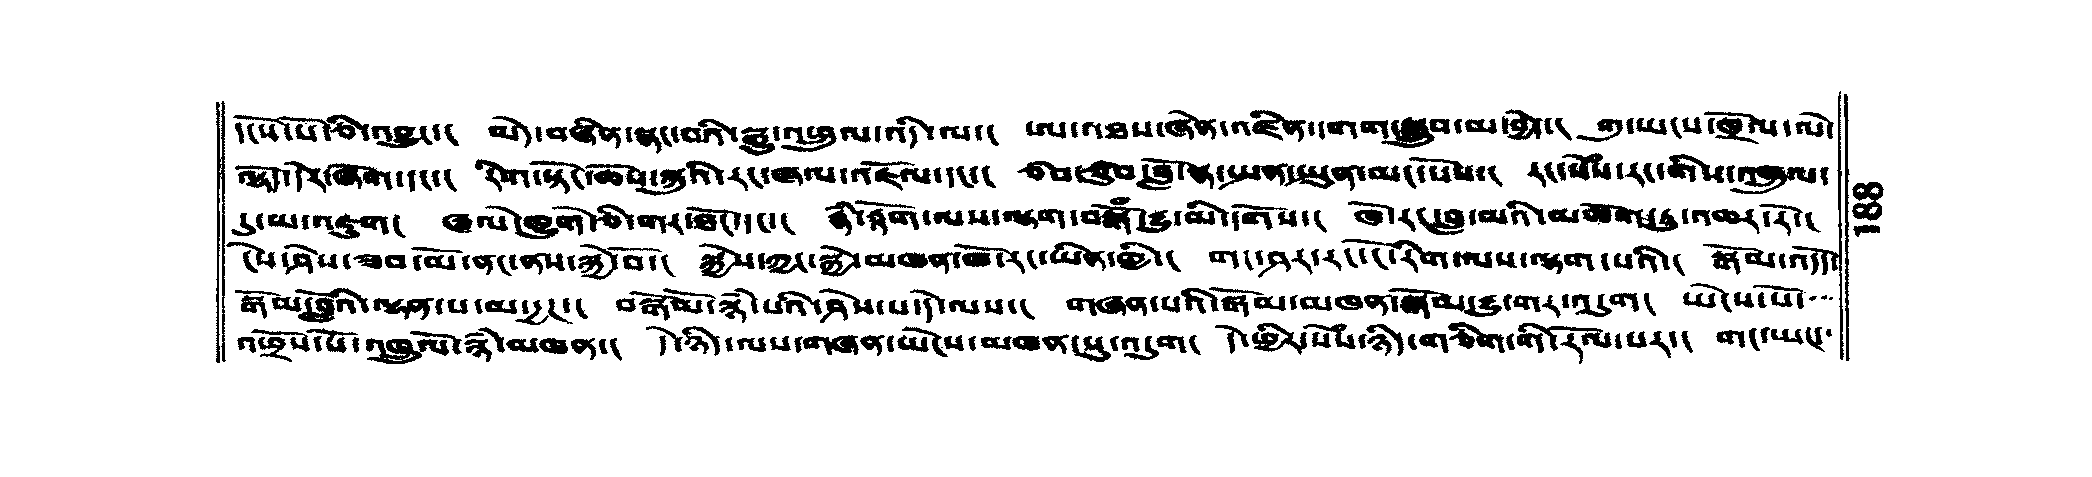དངོས་པོ་ཅི་འབྱུང་། །མེད་བཞིན་སྣང་བའི་སྒྱུ་འཕྲུལ་འདི་ལ། །ཨ་འཐས་ཞེན་འཛིན་དགག་སྒྲུབ་མ་བྱེད། །གུ་ཡངས་ཁྲོལ་ལེ་
ལྷོད་དེར་ཞོག་དང་། །རིག་སྟོང་ཆོས་སྐུའི་རང་ཞལ་འཇོལ་དང་། །ཙབ་ཙུབ་བློ་སྣ་སྤན་སྤུན་མང་པོས། །རང་སེམས་རང་གིས་འཁྲུལ་
དུ་མ་འཇུག །ཝ་ལེ་ཁྱུག་གེ་ཅི་གར་ཐོངས་དང་། །རྣམ་རྟོག་ལས་ལྷག་བསྒོམ་རྒྱུ་མི་དགོས། །ཁོ་རང་བླ་མའི་མཆོག་ཏུ་འཆར་རོ། །
ངེས་ཤེས་ཟབ་མོ་ནང་ནས་སྐྱེའོ། །སྐྱེས་ཀྱང་སྐྱེ་མཁན་ཁོ་རང་ཡིན་གྱི། །གང་ཤར་རང་ངོ་རིག་ལས་ལྷག་པའི། །སྒོམ་འདོད་
སྒོམ་བློའི་ལྷན་པ་མ་རྒྱགས། །བསྒོམ་མོ་སྙམ་པའི་ཤེས་པ་དེ་ལས། །གཞན་པའི་སྒོམ་མཁན་སྒོམ་རྒྱུ་གར་འདུག། ཡེངས་སོ་
འཕྲོས་སོ་འཁྲུལ་ལོ་སྙམ་མཁན། །དེ་ཉིད་ལས་གཞན་ཡེངས་མཁན་སུ་འདུག །དེ་ཕྱིར་སེམས་ཉིད་གཅིག་གི་རོལ་པར། །གང་ཡང་